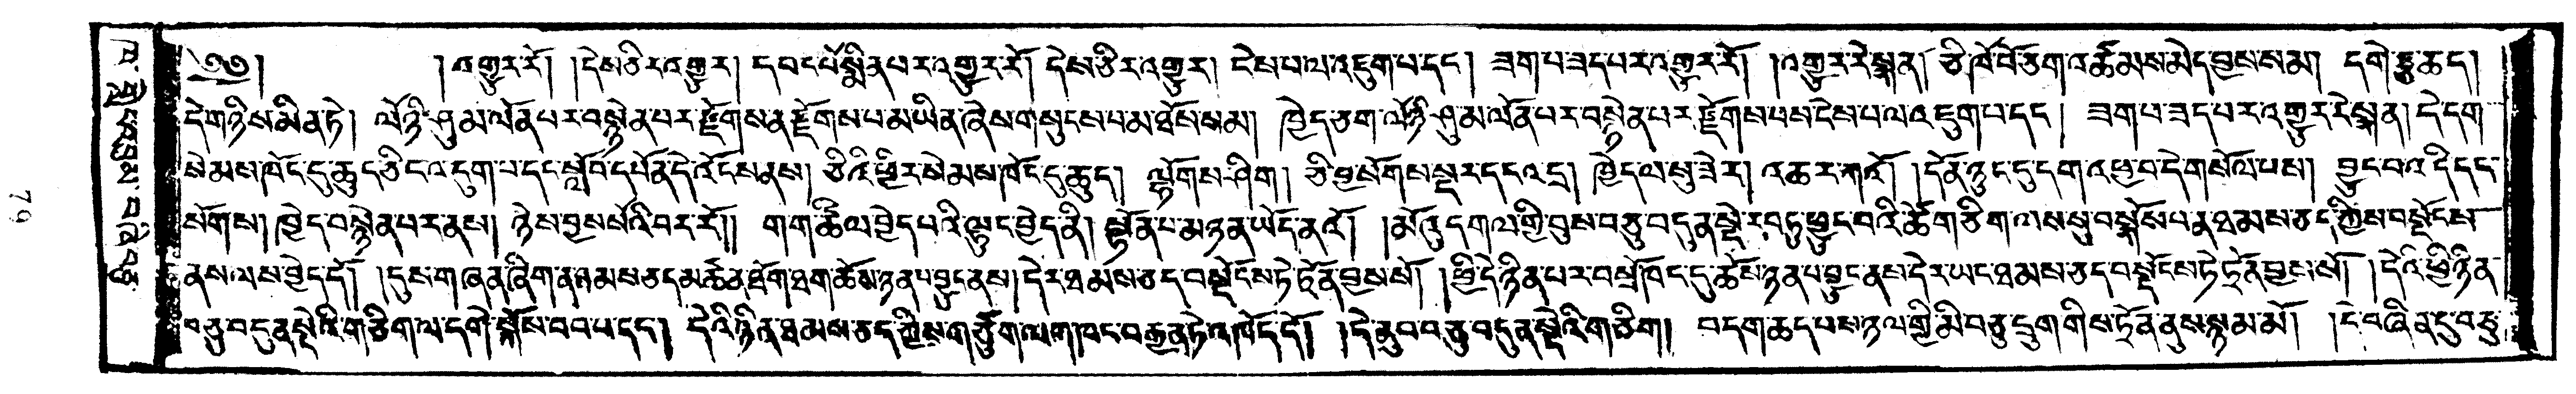༄༅། །འགྱུར་རོ། །དེས་ཅིར་འགྱུར། དབང་པོ་སྨིན་པར་འགྱུར་རོ། དེས་ཅིར་འགྱུར། ངེས་པ་ལ་འཇུག་པ་དང་། ཟག་པ་ཟད་པར་འགྱུར་རོ། །འགྱུར་རེ་སྐན། ཅི་ཁོ་བོ་ཅག་འཚམས་མེད་བྱས་སམ། དགེ་རྩ་ཆད།
དེ་གཉིས་མིན་ཏེ། ལོ་ཉི་ཤུ་མ་ལོན་པར་བསྙེན་པར་རྫོགས་ན་རྫོགས་པ་མ་ཡིན་ཞེས་གསུངས་པ་མ་ཐོས་སམ། ཁྱེད་ཅག་ལོ་ཉི་ཤུ་མ་ལོན་པར་བསྙེན་པར་རྫོགས་པས་ངེས་པ་ལ་འཇུག་པ་དང་། ཟག་པ་ཟད་པར་འགྱུར་རེ་སྐན། དེ་དག་
སེམས་ཁོང་དུ་ཆུང་ཅིང་འདུག་པ་དང་སློབ་དཔོན་དེ་འོངས་ནས། ཅིའི་ཕྱིར་སེམས་ཁོང་དུ་ཆུད། ལྷོགས་ཤིག །ཅི་བྱ་སོགས་སྔར་དང་འདྲ། ཁྱེད་ལ་སུ་ཟེར། འཆར་ཀའོ། །དོན་ཉུང་དུ་དག་འཕྱ་བ་དེ་གསོལ་པས། བྱུང་བ་འདི་དང་
སོགས། ཁྱེད་བསྙེན་པར་ནས། ཉེས་བྱས་སོའི་བར་རོ། གག་ཚིལ་བྱེད་པའི་ལྟུང་བྱེད་ནི། སྟོན་པ་མཉན་ཡོད་ནའོ། །མོའུ་དགལ་གྱི་བུས་བཅུ་བདུན་སྡེ་རབ་ཏུ་ཕྱུང་བའི་ཚེ་གཅིག་ལས་སུ་བསྐོས་པ་ན་ཐམས་ཅད་ཀྱིས་བསྡོངས་
ནས་ལས་བྱེད་དོ། །དུས་གཞན་ཞིག་ན་ཐམས་ཅད་མཚན་ཐོག་ཐག་ཆོས་ཉན་པ་བྱུང་ནས། དེར་ཐམས་ཅད་བསྡོངས་ཏེ་ཏྲོན་བྱས་སོ། །ཕྱི་དེ་ཉིན་པར་བསྲོ་ཁང་དུ་ཆོས་ཉན་པ་བྱུང་ནས་དེར་ཡང་ཐམས་ཅད་བསྡོངས་ཏེ་ཏྲོན་བྱས་སོ། །དེའི་ཕྱི་ཉིན་
བཅུ་བདུན་སྡེའི་གཅིག་ལ་དགེ་སྐོས་བབ་པ་དང་། དེའི་ཉིན་ཐམས་ཅད་ཀྱིས་གཙུག་ལག་ཁང་བརྒྱན་ཏེ་འཁོད་དོ། །དེ་ནུབ་བཅུ་བདུན་སྡེའི་གཅིག། བདག་ཆད་པས་ཉལ་གྱི་མི་བཅུ་དྲུག་གིས་ཏྲོན་ནུས་སྙམ་མོ། །དེ་བཞིན་དུ་བཅུ་